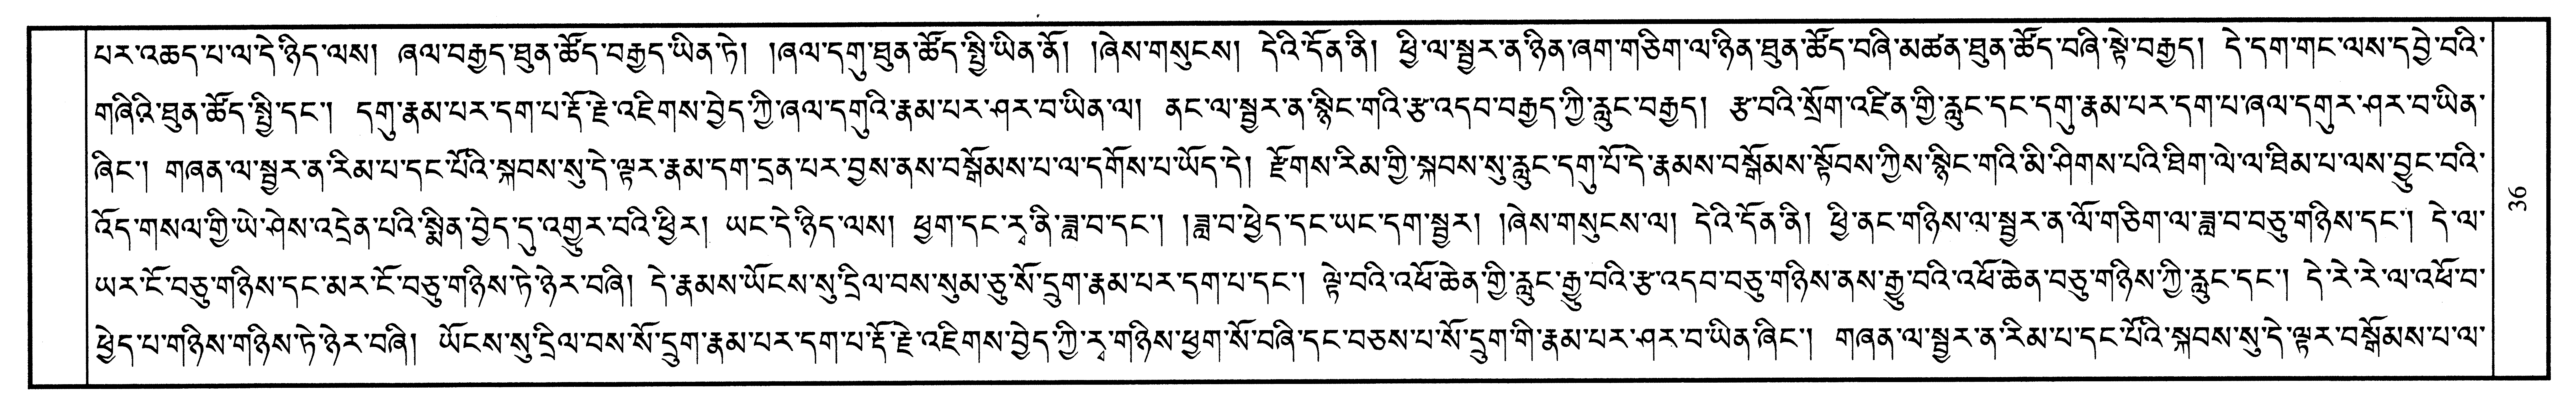པར་འཆད་པ་ལ་དེ་ཉིད་ལས། ཞལ་བརྒྱད་ཐུན་ཚོད་བརྒྱད་ཡིན་ཏེ། །ཞལ་དགུ་ཐུན་ཚོད་སྤྱི་ཡིན་ནོ། །ཞེས་གསུངས། དེའི་དོན་ནི། ཕྱི་ལ་སྦྱར་ན་ཉིན་ཞག་གཅིག་ལ་ཉིན་ཐུན་ཚོད་བཞི་མཚན་ཐུན་ཚོད་བཞི་སྟེ་བརྒྱད། དེ་དག་གང་ལས་དབྱེ་བའི་
གཞིའི་ཐུན་ཚོད་སྤྱི་དང་། དགུ་རྣམ་པར་དག་པ་རྡོ་རྗེ་འཇིགས་བྱེད་ཀྱི་ཞལ་དགུའི་རྣམ་པར་ཤར་བ་ཡིན་ལ། ནང་ལ་སྦྱར་ན་སྙིང་གའི་རྩ་འདབ་བརྒྱད་ཀྱི་རླུང་བརྒྱད། རྩ་བའི་སྲོག་འཛིན་གྱི་རླུང་དང་དགུ་རྣམ་པར་དག་པ་ཞལ་དུ་དགུར་ཤར་བ་ཡིན་
ཞིང་། གཞན་ལ་སྦྱར་ན་རིམ་པ་དང་པོའི་སྐབས་སུ་དེ་ལྟར་རྣམ་དག་དྲན་པར་བྱས་ནས་བསྒོམས་པ་ལ་དགོས་པ་ཡོད་དེ། རྫོགས་རིམ་གྱི་སྐབས་སུ་རླུང་དགུ་པོ་དེ་རྣམས་བསྒོམས་སྟོབས་ཀྱིས་སྙིང་གའི་མི་ཤིགས་པའི་ཐིག་ལེ་ལ་ཐིམ་པ་ལས་བྱུང་བའི་
འོད་གསལ་གྱི་ཡེ་ཤེས་འདྲེན་པའི་སྨིན་བྱེད་དུ་འགྱུར་བའི་ཕྱིར། ཡང་དེ་ཉིད་ལས། ཕྱག་དང་རྭ་ནི་ཟླ་བ་དང་། །ཟླ་བ་ཕྱེད་དང་ཡང་དག་སྦྱར། །ཞེས་གསུངས་ལ། དེའི་དོན་ནི། ཕྱི་ནང་གཉིས་ལ་སྦྱར་ན་ལོ་གཅིག་ལ་ཟླ་བ་བཅུ་གཉིས་དང་། དེ་ལ་
ཡར་ངོ་བཅུ་གཉིས་དང་མར་ངོ་བཅུ་གཉིས་ཏེ་ཉེར་བཞི། དེ་རྣམས་ཡོངས་སུ་དྲིལ་བས་སུམ་ཅུ་སོ་དྲུག་རྣམ་པར་དག་པ་དང་། ལྟེ་བའི་འཕོ་ཆེན་གྱི་རླུང་རྒྱུ་བའི་རྩ་འདབ་བཅུ་གཉིས་ནས་རྒྱུ་བའི་འཕོ་ཆེན་བཅུ་གཉིས་ཀྱི་རླུང་དང་། དེ་རེ་རེ་ལ་འཕོ་བ་
ཕྱེད་པ་གཉིས་གཉིས་ཏེ་ཉེར་བཞི། ཡོངས་སུ་དྲིལ་བས་སོ་དྲུག་རྣམ་པར་དག་པ་རྡོ་རྗེ་འཇིགས་བྱེད་ཀྱི་རྭ་གཉིས་ཕྱག་སོ་བཞི་དང་བཅས་པ་སོ་དྲུག་གི་རྣམ་པར་ཤར་བ་ཡིན་ཞིང་། གཞན་ལ་སྦྱར་ན་རིམ་པ་དང་པོའི་སྐབས་སུ་དེ་ལྟར་བསྒོམས་པ་ལ་